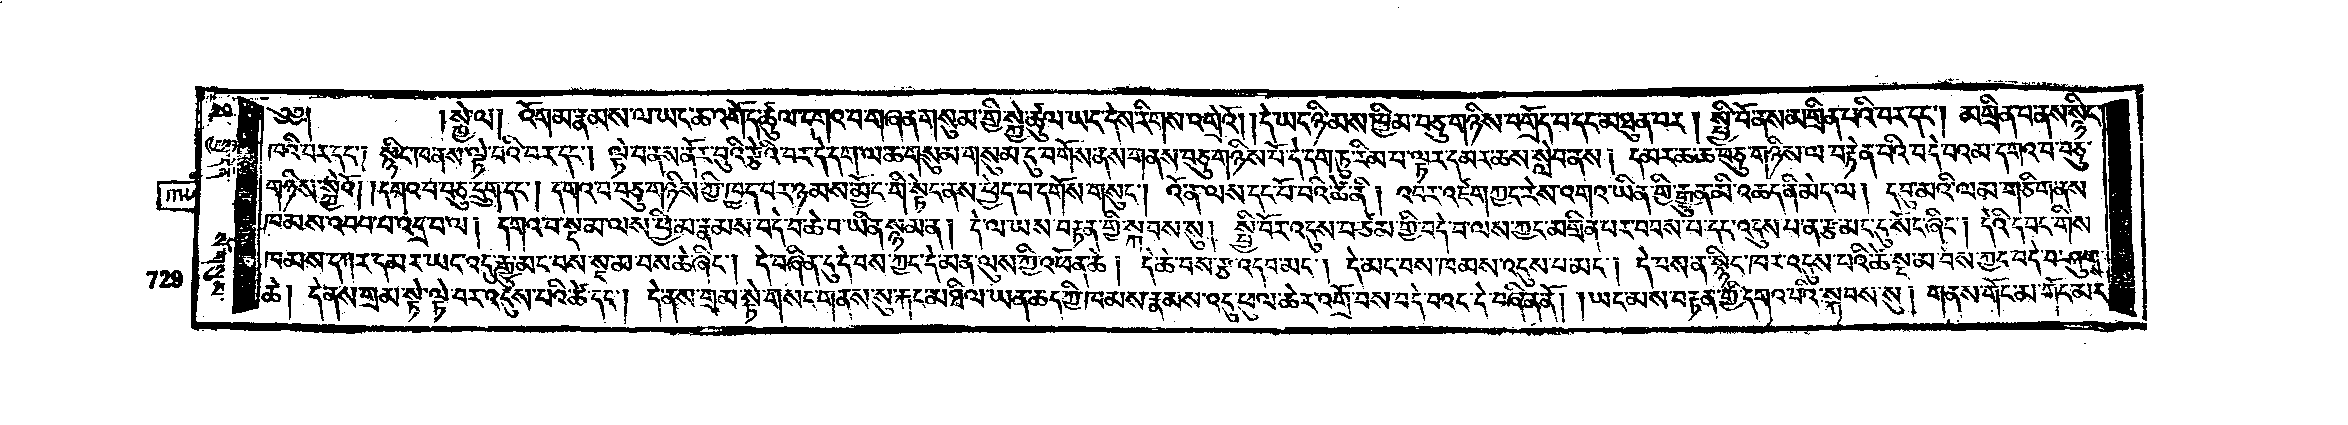༄༅། །སྐྱེ་ལ། འོག་མ་རྣམས་ལ་ཡང་ཆ་འགོད་ཚུལ་དགའ་བ་གཞན་གསུམ་གྱི་སྐྱེ་ཚུལ་ཡང་དེས་རིགས་འགྲེའོ། །དེ་ཡང་ཉི་མས་ཁྱིམ་བཅུ་གཉིས་བགྲོད་པ་དང་མཐུན་པར། སྤྱི་བོ་ནས་མགྲིན་པའི་བར་དང་། མགྲིན་པ་ནས་སྙིང་
ཁའི་བར་དང་། སྙིང་ཁ་ནས་ལྟེ་བའི་བར་དང་། ལྟེ་བ་ནས་ནོར་བུའི་རྩེའི་བར་དེ་དག་ལ་ཆ་གསུམ་གསུམ་དུ་བགོས་ནས་གནས་བཅུ་གཉིས་པོ་དེ་དག་ཏུ་རིམ་པ་ལྟར་དམར་ཆས་སླེབ་ནས། དམར་ཆ་ཆ་བཅུ་གཉིས་ལ་བརྟེན་པའི་བདེ་བའམ་དགའ་བ་བཅུ་
གཉིས་སྐྱེའོ། །དགའ་བ་བཅུ་དྲུག་དང་། དགའ་བ་བཅུ་གཉིས་ཀྱི་ཁྱད་པར་ཉམས་མྱོང་གི་སྟེང་ནས་ཕྱེད་པ་དགོས་གསུང་། འོ་ན་ལས་དང་པོ་བའི་ཚེ་ནི། འབར་འཛག་ཀྱང་རེས་འགའ་ཡིན་གྱི་རྒྱུན་མི་འཆད་ནི་མེད་ལ། དབུ་མའི་ལམ་གཅིག་ནས་
ཁམས་འབབ་པ་འདྲ་བ་ལ། དགའ་བ་སྔ་མ་ལས་ཕྱི་མ་རྣམས་བདེ་བ་ཆེ་བ་ཡིན་སྙམ་ན། དེ་ལ་ཡས་བརྟན་གྱི་སྐབས་སུ། སྤྱི་བོར་འདུས་པ་ཙམ་གྱི་བདེ་བ་ལས་ཀྱང་མགྲིན་པར་བབས་པ་དང་འདུས་པ་ན་རྩ་མང་དུ་སོང་ཞིང་། དེའི་དབང་གིས་
ཁམས་དཀར་དམར་ཡང་འདུ་རྒྱུ་མང་བས་སྔ་མ་བས་ཆེ་ཞིང་། དེ་བཞིན་དུ་དེ་བས་ཀྱང་དེ་མན་ལུས་ཀྱི་འཕོན་ཆེ། དེ་ཆེ་བས་རྩ་འདབ་མང་། དེ་མང་བས་ཁམས་འདུས་པ་མང་། དེ་བས་ན་སྙིང་ཁར་འདུས་པའི་ཚེ་སྔ་མ་བས་ཀྱང་བདེ་བ་ཤུགས་
ཚེ། དེ་ནས་གྲམ་སྟེ་ལྟེ་བར་འདུས་པའི་ཚེ་དང་། དེ་ནས་གྲམ་སྟེ་གསང་གནས་སུ་རྐང་མཐིལ་ཡན་ཆད་ཀྱི་ཁམས་རྣམས་འདུ་ཕུལ་ཆེར་འགྲོ་བས་བདེ་བའང་དེ་བཞིན་ནོ། །ཡང་མས་བརྟན་གྱི་དགའ་བའི་སྐབས་སུ། གནས་གོང་མ་གོང་མར་